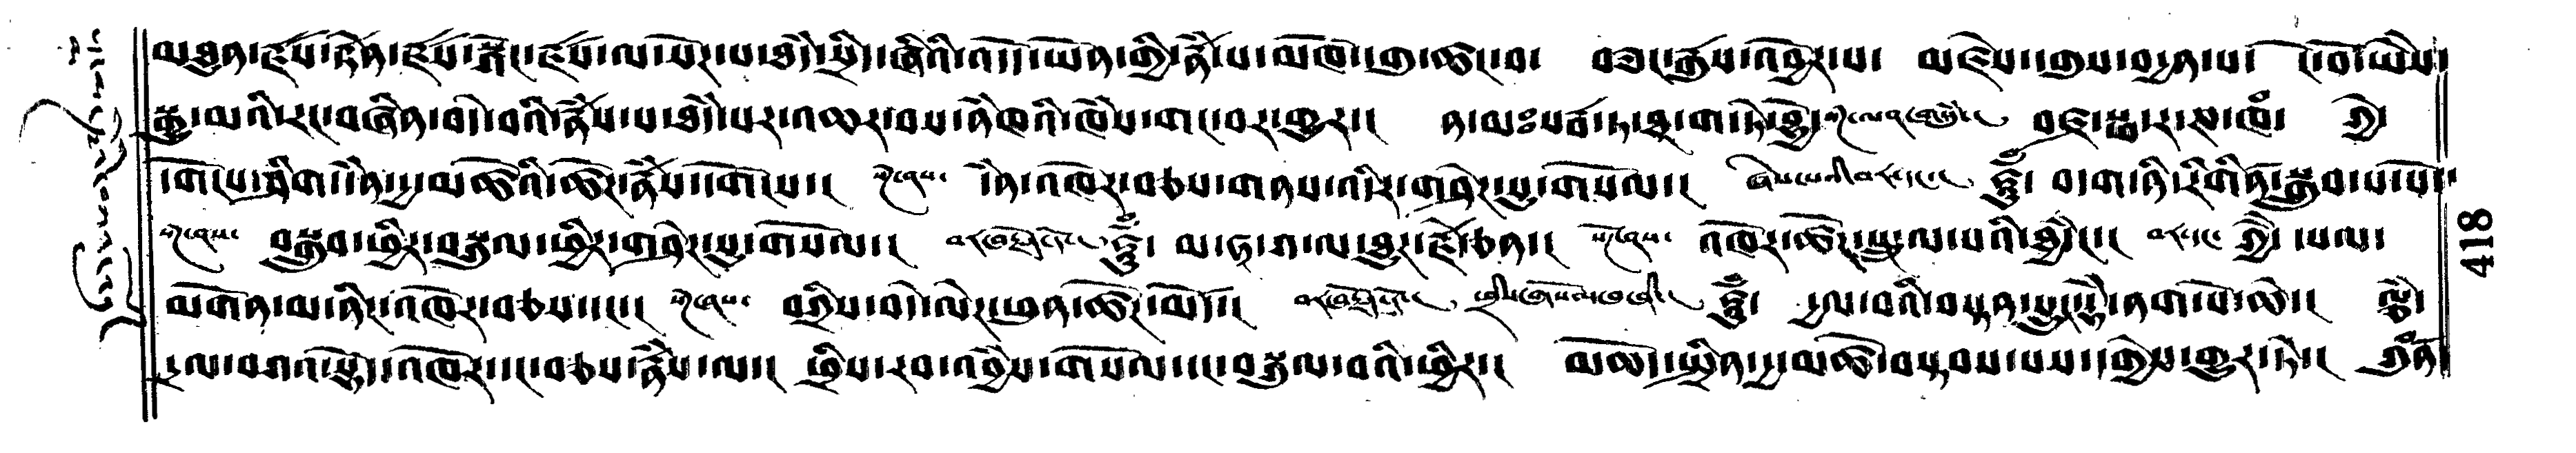མཐུན་རྫས་རྟེན་རྫས་སྐོང་རྫས་ལ་སོགས་པ་ཐམས་ཅད་སྲིད་ཞིའི་འདོད་ཡོན་གྱི་རྣམ་པ་མཁོ་དགུ་ཚང་བ། བཟང་རྒུས་འབྱོར་པ། མཛེས་དགུས་བརྒྱན་པ། ངོ་བོ་ཡེ་ཤེས་
སྒྱུ་མའི་རང་བཞིན་བདེ་བའི་རྣམ་པ་ཐམས་ཅད་འཆར་བས་ནམ་མཁའི་ཁམས་གང་བར་གྱུར། ན་མཿསརྦ་ཏ་ཐཱ་ག་ཏེ་བྷྱོ་སོགས་ལན་གསུམ། བཛྲ་སྥ་ར་ཎ་ཁཾ། ཀྱེ་
དགོངས་ཤིག་དམ་ཅན་རྒྱ་མཚོའི་ཚོགས་རྣམས་དགོངས། ། སོགས་ནས། དམ་ཅན་འཁོར་བཅས་གནས་འདིར་གཤེགས་སུ་གསོལ། ། ཞེས་པའི་བར་དང་། ཧཱུྃ། བདག་ནི་རིག་འཛིན་སྒྲུབ་པ་པོ།
སོགས་ནས། སྒྲུབ་ཕྱིར་སྐུལ་ཕྱིར་གཤེགས་སུ་གསོལ། ། བར་བརྗོད་དོ། ཧཱུྃ། མ་ཧཱ་ཀ་ལ་ཐུགས་རྗེ་ཅན། ། སོགས་ནས། འཁོར་ཚོགས་སྤྲུལ་པའི་ཐུགས་དམ་བསྐང་། ། བར་དང་། ཀྱཻ། དཔལ་
མགོན་མ་ནིང་འཁོར་བཅས་དང་། །སོགས་ནས། བཀྲ་ཤིས་བདེ་ལེགས་ཕུན་ཚོགས་མཛོད། ། བར་བརྗོད་དོ། ཕྲིན་ལས་གསོལ་བ་ནི། ཧཱུྃ། རྒྱལ་བའི་བསྟན་སྲུང་རྡོ་རྗེ་ནག་པོ་ཆེ། །ལྕམ་
དྲལ་བཀའ་སྡོད་འཁོར་དང་བཅས་རྣམས་ལ། །ཕྲིན་ལས་རབ་འབྱམས་གསོལ་དང་སྐུལ་བའི་ཕྱིར། །མཆོད་སྤྲིན་རྒྱ་མཚོ་བསྟབས་པས་དགྱེས་གྱུར་ཏེ། །ཀུན་བཟང་